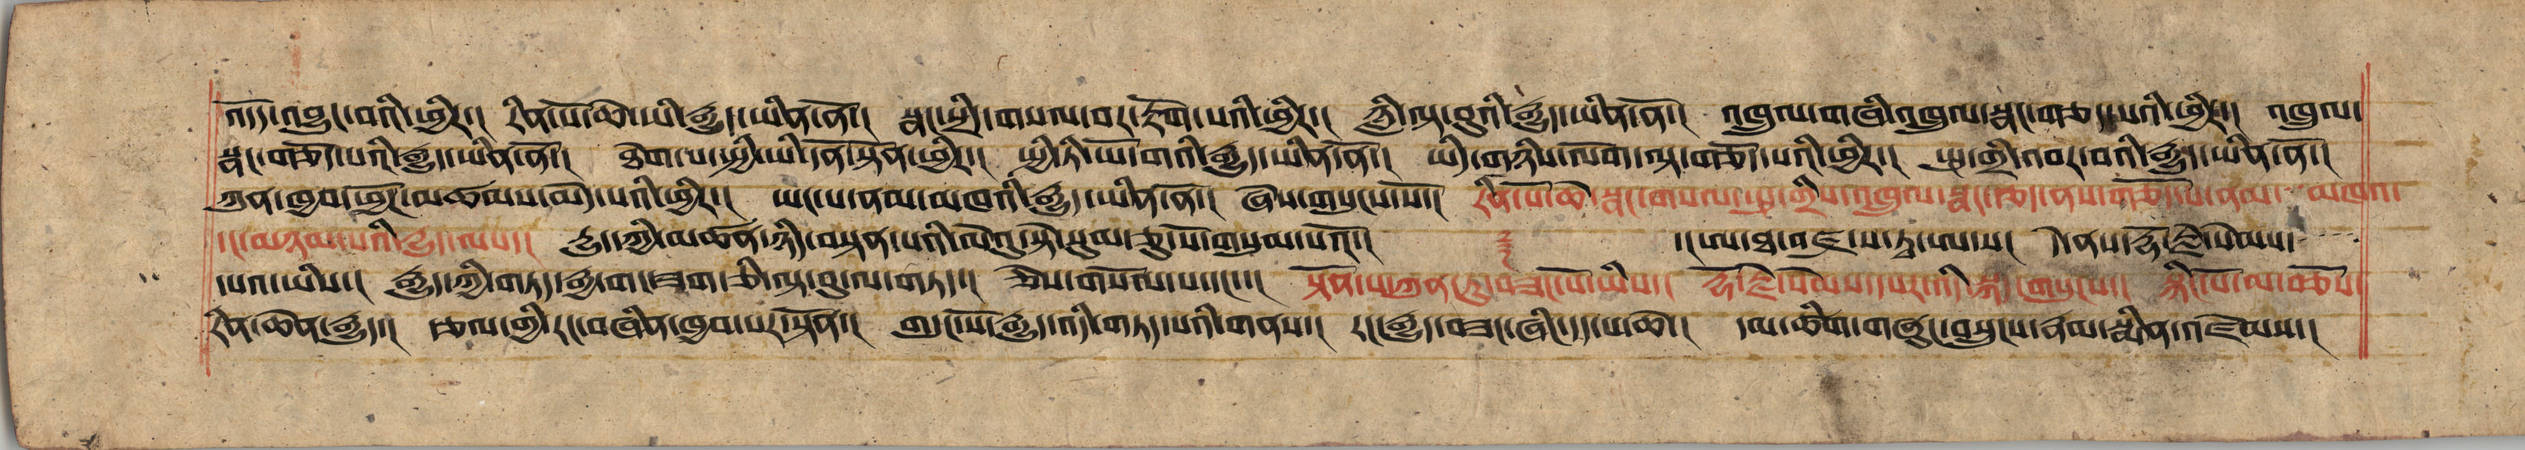འདོད་འབྱུང་བའི་ཕྱིར་། རིན་པོ་ཆེ་ཡི་རྒྱུད་ཡིན་ནོ་། སྣང་སྲིད་གསལ་བར་རྟོག་པའི་ཕྱིར་། ཉླི་ལྟ་བུའི་རྒྱུད་ཡིན་ནོ་། འཁྲུལ་གཞི་འཁྲུལ་སྣང་གཅད་པའི་ཕྱིར་། འཁྲུལ་
སྣང་གཅོད་པའི་རྒྱུད་ཡིན་ནོ་། ཐེག་པ་སྤྱི་ཡི་དོན་སྟོན་ཕྱིར་། སྤྱི་ཏི་ཡོ་གའི་རྒྱུད་ཡིན་ནོ་། ཡིད་གཉིས་ལོག་ལྟ་གཅོད་པའི་ཕྱིར་། སྤུ་གྲི་འབར་བའི་རྒྱུད་ཡིན་ནོ་།
ཀུན་ཁྱབ་ཕྱོཌ་མཚམས་མེད་པའི་ཕྱིར་། ཡང་པ་ནམ་མཁའི་རྒྱུད་ཡིན་ནོ་། ཞེས་གསུངས་སོ་། རིན་པོ་ཆེ་སྣང་གསལ་སྤུ་གྲིས་འཁྲུལ་སྣང་རྩད་ནས་གཅོད་པ་ནམ་ མཁའ་
དང་མཉམ་པའི་དྱུད་ལས་། དྱུད་ཀྱི་མཚན་ཉིད་བསྟན་པའི་ལེའུ་སྟེ་སུམ་ཅུ་སོ་གསུམ་པའོ་། ༈ ་།ཨ་ཐ་བཛྲ་ས་ཏྭ་ཨ་ས། དེ་ནས་རྡོ་རྗེ་སེམས་
དཔའ་ཡིས་། རྒྱུད་ཀྱི་གཏད་རྒྱ་གང་ཟག་ཅི་ལྟ་བུ་ལ་གཏད་། ཅེས་གསོལ་པ་དང་་། སྟོན་པ་ཀུན་ཏུ་བཟང་པོ་ཡིས་། རྡོ་རྗེ་སེམས་དཔར་འདི་སྐད་གསུངས་། སྙིང་པོ་མ་བཅོས་
རིན་ཆེན་རྒྱུད་། རྩལ་གྱི་རང་བཞིན་ཁྱབ་པར་སྟོན་། གདུང་པོ་རྒྱུད་འདི་གཏད་པའི་གནས་། རང་རྒྱུད་བཟང་ཞིང་དད་པ་ཆེ་། དམ་ཚིག་གཞུང་བསྲུང་རྣམ་སྨིན་འཛེམས་།